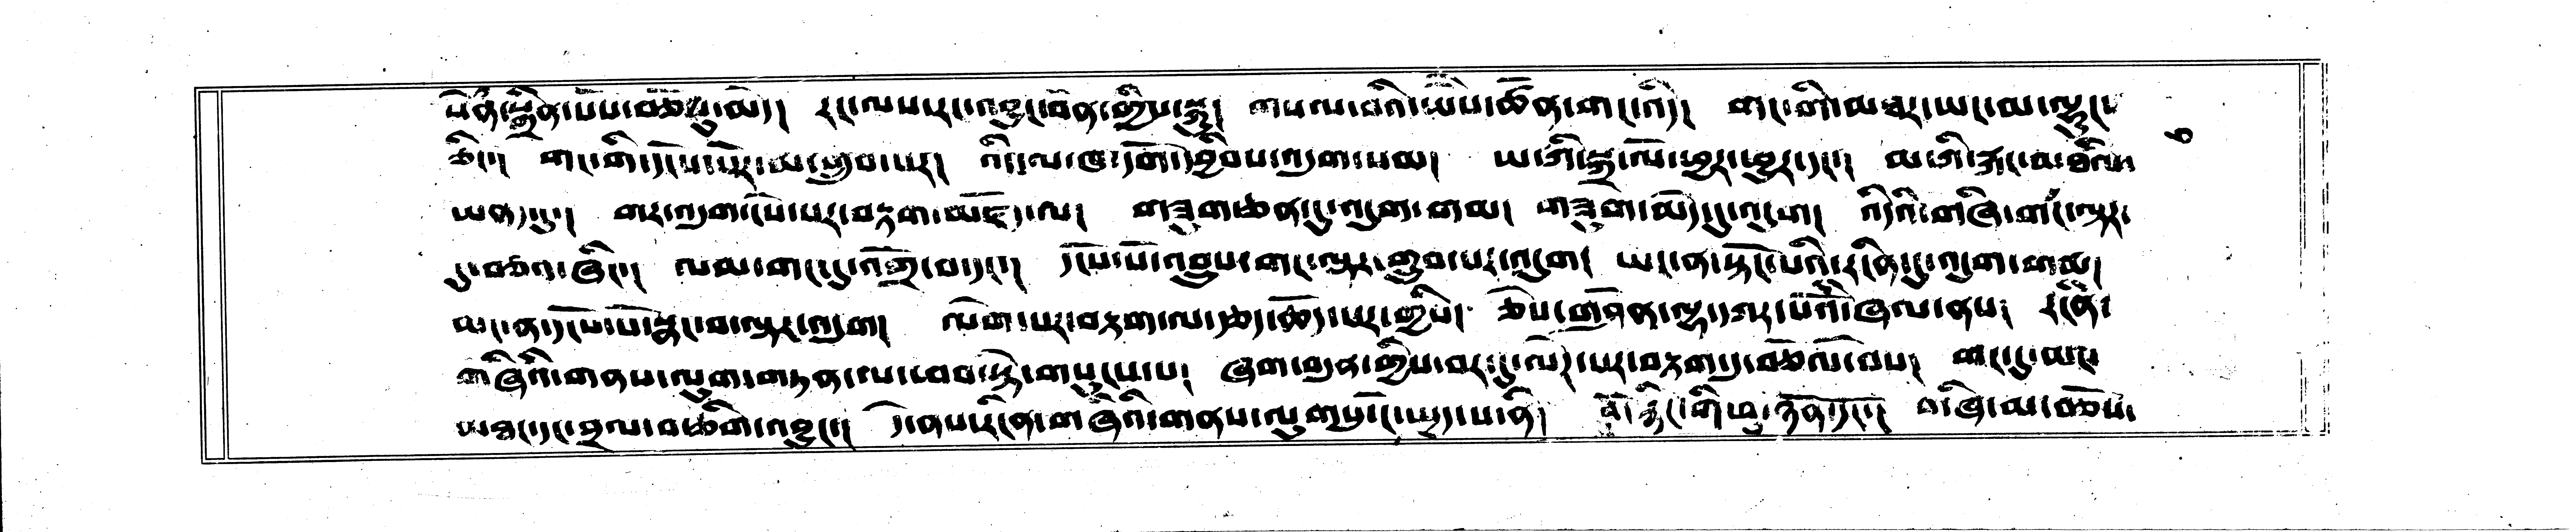སེམས་ཅན་སྒྲིན་པོས་བཅོས་སུ་མེད། རང་ལས་རང་བྱུང་བོན་གྱི་སྐུ། གསལ་བའི་ཡེ་ཤེས་ཚོན་གང་འདི། །གང་གི་མཐར་ཡང་མ་ལྷུང་
ཞིང་། གང་གི་དངོས་པོར་མ་གྲུབ་པར། འདི་ལ་ཁ་དོག་དབྱིབས་འདུག་གམ། ཡ་ཀི་སྐྲ་ལོ་ཕྱར་ཕྱུར་དང་། མ་ཀི་རྐང་མཐིལ་
ཡན་ཆད་དུ། གར་འདུག་ངེས་པར་བརྟག་མཛོད་ལ། གཟུགས་ཅན་དུ་འདུག་གམ། གཟུགས་མེད་དུ་འདུག འདིའི་གཞི་གང་ལྟར་
དུ་བཅའ་ཞིང་། ལམ་གང་དུ་འགྲོ་བ་དང་། དངོས་པོ་འབྲས་བུ་གང་དུ་གྲུབ་པར་འདུག ཡང་ན་སྟོང་པའི་རང་བཞིན་དུ་འདུག་གམ། 
ཡང་ན་དངོས་པོ་སྣང་བ་ལྟར་འདུག ལེགས་པར་བརྟག་ལ་རྕད་ཆོད་པར་གྱིས། ཅེས་གཤེན་ལྷ་དཀར་པོའི་ཞལ་ནས། རང་བཞིན་
གཞིའི་གནས་ལུགས་གཏན་ལ་ཕབ་སྟེ་གསུངས་པ། ཞག་བདུན་གྱི་བར་དུ་ལེགས་པར་བརྟག་ཏུ་བཅོལ་བས། གང་དུ་ཡང་
མཐའ་དང་བྲལ་བ་ཞིག་འབྱུང་། དེ་ནས་རང་བཞིན་གཞིའི་གནས་ལུགས་ངོ་སྤྲད་པ་ནི། འོ་སྙིང་གི་བུ་ཉོན་དང་། གཞི་མ་བཅོས་